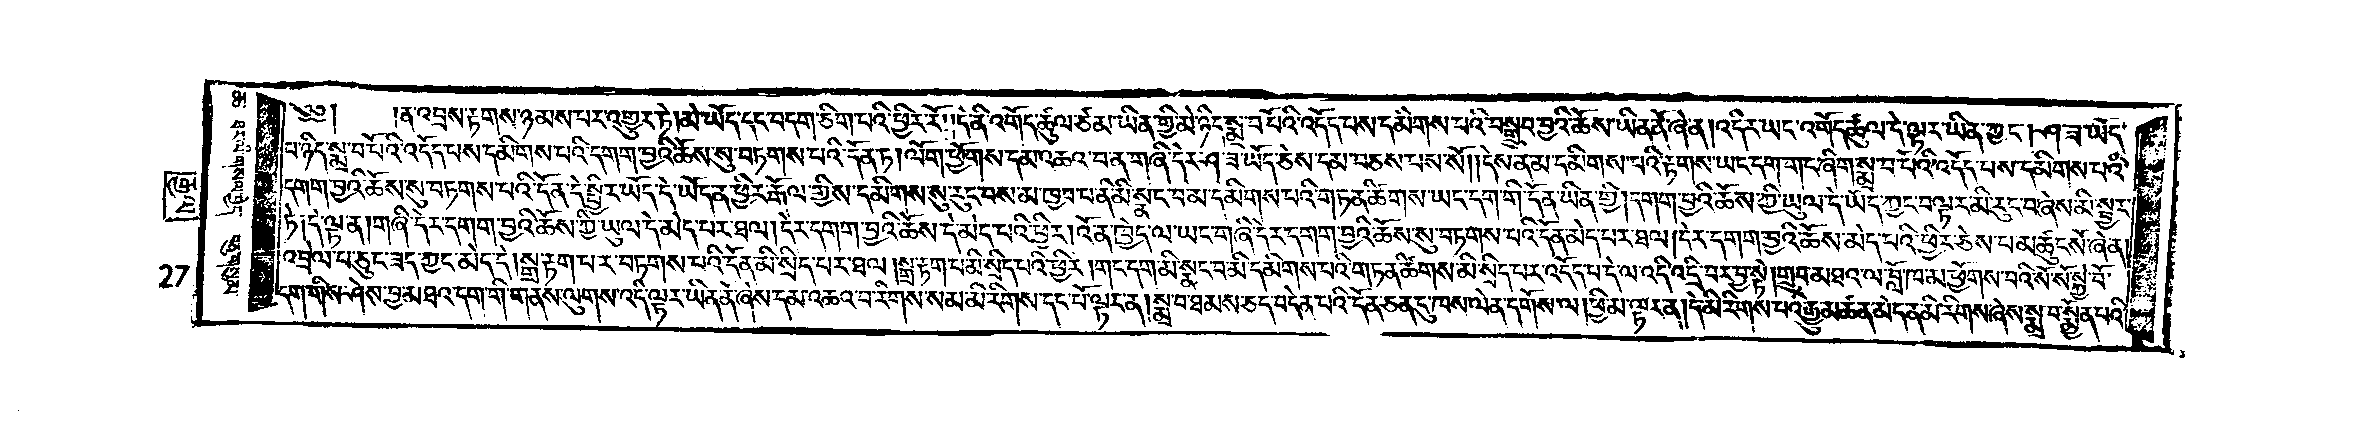༄༅། །ན་འབྲས་རྟགས་ཉམས་པར་འགྱུར་ཏེ། མེ་ཡོད་དང་བདག་ཅིག་པའི་ཕྱིར་རོ། །དེ་ནི་འགོད་ཚུལ་ཙམ་ཡིན་གྱི་མེ་ཉིད་སྨྲ་བ་པོའི་འདོད་པས་དམིགས་པའི་བསྒྲུབ་བྱའི་ཆོས་ཡིན་ནོ་ཞེ་ན། འདིར་ཡང་འགོད་ཚུལ་དེ་ལྟར་ཡིན་ཀྱང་། ཤ་ཟ་ཡོད་
པ་ཉིད་སྨྲ་བ་པོའི་འདོད་པས་དམིགས་པའི་དགག་བྱའི་ཆོས་སུ་བཏགས་པའི་དོན་ཏ། ?་ལོག་ཕྱོགས་དམ་འཆའ་བ་ན་གཞི་དེར་ཤ་ཟ་ཡོད་ཅེས་དམ་བཅས་པས་སོ། །དེས་ན་མ་དམིགས་པའི་རྟགས་ཡང་དག་གང་ཞིག་སྨྲ་བ་པོའི་འདོད་པས་དམིགས་པའི་
དགག་བྱའི་ཆོས་སུ་བཏགས་པའི་དོན་དེ་སྤྱིར་ཡོད་དེ་ཡོད་ན་ཕྱིར་རྒོལ་གྱིས་དམིགས་སུ་རུང་བས་མ་ཁྱབ་པ་ནི་མི་སྣང་བ་མ་དམིགས་པའི་གཏན་ཚིགས་ཡང་དག་གི་དོན་ཡིན་གྱི། དགག་བྱའི་ཆོས་ཀྱི་ཡུལ་དེ་ཡོད་ཀྱང་བལྟར་མི་རུང་བ་ཞེས་མི་སྦྱར་
ཏེ། དེ་ལྟ་ན། གཞི་དེར་དགག་བྱའི་ཆོས་ཀྱི་ཡུལ་དེ་མེད་པར་ཐལ། དེར་དགག་བྱའི་ཆོས་དེ་མེད་པའི་ཕྱིར། འོ་ན་ཁྱེད་ལ་ཡང་གཞི་དེར་དགག་བྱའི་ཆོས་སུ་བཏགས་པའི་དོན་མེད་པར་ཐལ། དེར་དགག་བྱའི་ཆོས་མེད་པའི་ཕྱིར་ཅེས་པ་མཚུངས་སོ་ཞེ་ན།
འབྲེལ་པ་ཅུང་ཟད་ཀྱང་མེད་དེ། སྒྲ་རྟག་པར་བཏགས་པའི་དོན་མི་སྲིད་པར་ཐལ། སྒྲ་རྟག་པ་མི་སྲིད་པའི་ཕྱིར། གང་དག་མི་སྣང་བ་མི་དམིགས་པའི་གཏན་ཚིགས་མི་སྲིད་པར་འདོད་པ་དེ་ལ་འདི་འདྲི་བར་བྱ་སྟེ། གྲུབ་མཐའ་ལ་བློ་ཁ་མ་ཕྱོགས་བའི་སོ་སོ་སྐྱེ་བོ་
དག་གིས་ཤེས་བྱ་མཐའ་དག་གི་གནས་ལུགས་འདི་ལྟར་ཡིན་ནོ་ཞེས་དམ་འཆའ་བ་རིགས་སམ་མི་རིགས་དང་པོ་ལྟར་ན། སྨྲ་བ་ཐམས་ཅད་བདེན་པའི་དོན་ཅན་དུ་ཁས་ལེན་དགོས་ལ། ཕྱི་མ་ལྟར་ན། དེ་མི་རིགས་པའི་རྒྱུ་མཚན་མེད་ན་མི་རིགས་ཞེས་སྨྲ་བ་སྨྱོན་པའི་